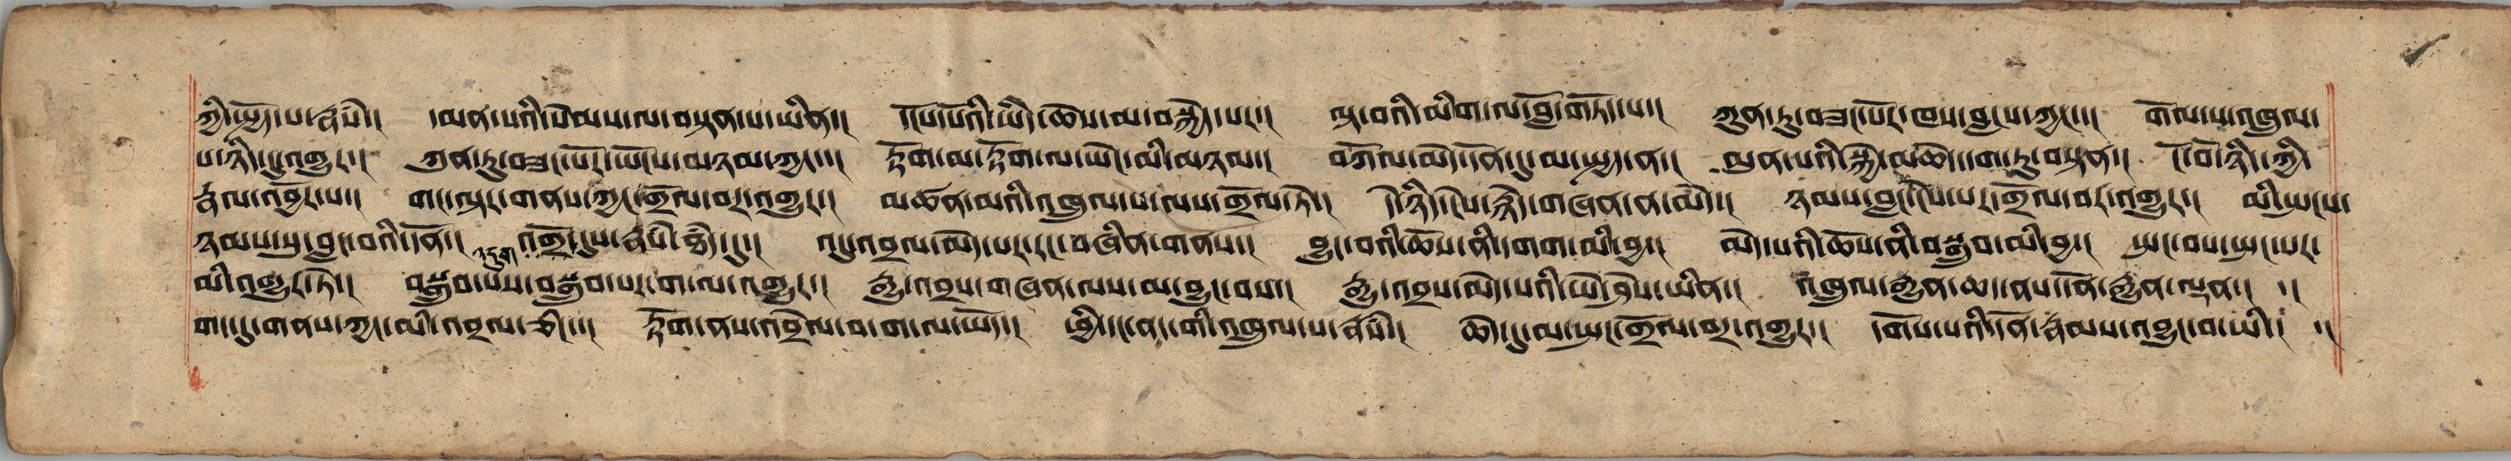ཀྱི་སྤྱོད་པ་རྣཾས་། དམན་པའི་སེམས་ལ་བསྟན་པ་ཡིན་། དངོས་པོའི་ཡིད་ཆེས་མ་བསྐྱེད་པར་། ལྟ་བའི་མིག་ལ་བློ་གཏོད་པ་། ཀུན་ཏུ་བཟང་པོར་ཁས་བླངས་ཀྱང་་། གོལ་ས་འཁྲུལ་
པ་ཉིད་དུ་འགྱུར་། ཀུན་ཏུ་བཟང་པོར་ཡོངས་མཉམ་ཀྱང་་། རྟོག་མ་རྟོག་ལ་ཡེང་མི་མཉམ་། བཀོལ་མེད་དོན་དུ་མ་སྤྱད་ན་། མུན་པའི་སྐྱེ་མཆེད་དག་ཏུ་བསྟན་། ངོ་བོ་ཉིད་ཀྱི་
རྣལ་འབྱོར་པ་། གང་ལྟར་གནས་ཀྱང་གྲོལ་བར་འགྱུར་། མཚན་མའི་འཁྲུལ་པ་ལས་གྲོལ་ཏེ་། དེ་ཉིད་ངེས་རྙེད་གཞན་ན་མེད་། ཉམས་བླང་ངེས་པར་གྲོལ་བར་འགྱུར་། མི་སྤངས་
ཉམས་སུ་བླང་བའི་དོན་། འགྲོ་འདུག་དུས་རྣཾས་ཐཾད་དུ་། འདུ་འབྲལ་མེད་པར་རང་བཞིན་གནས་། བྱུང་བའི་ཆོས་ནི་དགག་མི་བྱ་། མེད་པའི་ཆོས་ནི་བསྒྲུབ་མི་བྱ་། སྤང་བས་སྤང་པར་
མི་འགྱུར་ཏེ་། བསྒྲུབ་པས་བསྒྲུབ་པར་ག་ལ་འགྱུར་། རྒྱུ་འབྲས་གཞན་ལས་མ་བྱུང་བས་། རྒྱུ་འབྲས་མེད་པའི་ཡེ་ཤེས་ཡིན་། འཁྲུལ་རྒྱུན་ཆད་ནས་དོན་རྒྱུན་ལྡན་། ་།
གང་དུ་གནས་ཀྱང་མི་འབྲལ་ཅིང་་། རྟོག་ནས་འབྲེལ་བ་ག་ལ་ཡོད་། ཕྱི་དང་ནང་གི་འཁྲུལ་པ་རྣཾས་། ཆེད་དུ་མ་སྤང་གྲོལ་བར་འགྱུར་། དགོས་པའི་དོན་རྣམས་འབྱུང་བ་ཡི་།